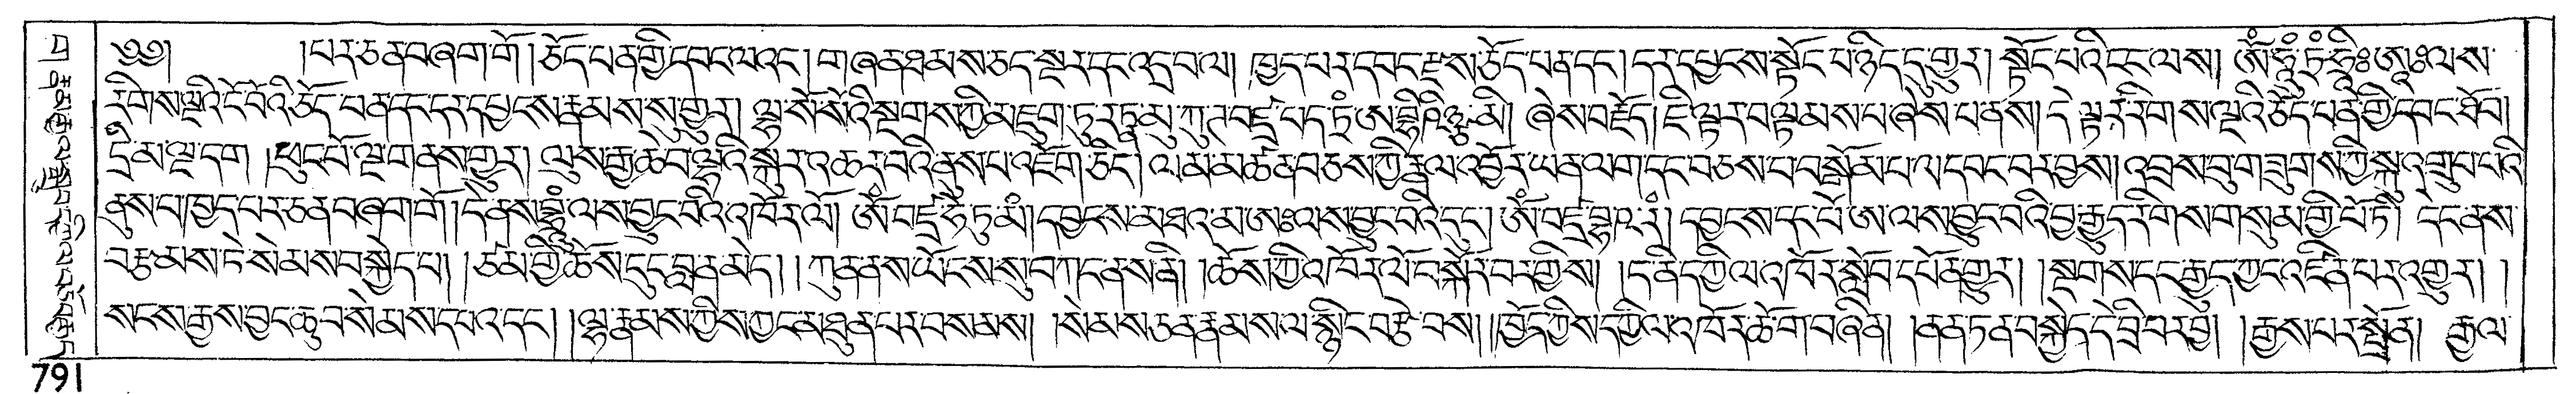༄༅། །པར་ཅན་བཞག་གོ །ཅོད་པན་གྱི་དབང་ལའང་། གཞན་ཐམས་ཅད་སྔར་དང་འདྲ་བ་ལ། ཁྱད་པར་དབང་རྫས་ཅོད་པན་དང་། དར་དཔྱངས་སྟོང་པ་ཉིད་དུ་གྱུར། སྟོང་པའི་ངང་ལས། ཨོཾ་ཧཱུཾ་ཏྲཾ་ཧྲཱིཿ ཨཱཿ ལས་
རིགས་ལྔའི་ངོ་བོའི་ཅོད་པན་དང་དར་དབྱངས་རྣམས་སུ་གྱུར། ལྷ་སོ་སོའི་སྔགས་ཀྱི་མཇུག་ཏུ་རཏྣ་མུ་ཀུ་ཊ་བཛྲ་པད་ཏྲཾ་ཨ་བྷིཥི་ཉྩ་མི། ཞེས་བརྗོད། ཇི་ལྟར་བལྟམས་པ་ཞེས་པ་ནས། དེ་ལྟར་རིགས་ལྔའི་ཅོད་པན་གྱི་དབང་ཐོབ།
དྲི་མ་ལྔ་དག །ཕུང་པོ་ལྔ་གནས་གྱུར། ལུས་རྒྱ་ཆེ་བ་ལྷའི་སྐུར་འཆར་བའི་ནུས་པ་འཇོག་ཅིང་། ལམ་མཚན་བཅས་ཀྱི་རྣལ་འབྱོར་ཡན་ལག་དང་བཅས་པ་བསྒོམ་པ་ལ་དབང་བར་བྱས། འབྲས་བུ་གཟུགས་ཀྱི་སྐུ་འགྲུབ་པའི་
ནུས་པ་ཁྱད་པར་ཅན་བཞག་གོ །དེ་ནས་བྷྲཱུཾ་ལས་བྱུང་བའི་འཁོར་ལོ། ཨོཾ་བཛྲ་ཧེ་ཏུ་མཾ། དབྱངས་མཐའ་མ་ཨཿ ལས་བྱུང་བའི་དུང་། ཨོཾ་བཛྲ་བྷཥ་རཾ། དབྱངས་དང་པོ་ཨ་ལས་བྱུང་བའི་བྱ་རྒྱུད་རིགས་གསུམ་གྱི་པོ་ཏི། དེང་ནས་
བརྩམས་ཏེ་སེམས་བསྐྱེད་པ། །ཙམ་གྱི་ཆོས་དུང་བླ་ན་མེད། །ཀུན་ནས་ཡོངས་སུ་བཀང་ནས་ནི། །ཆོས་ཀྱི་འཁོར་ལོ་བསྐོར་བར་གྱིས། །ད་ནི་དཀྱིལ་འཁོར་སློབ་དཔོན་གྱུར། །སྔགས་དང་རྒྱུད་ཀྱང་འཛིན་པར་འགྱུར། །
སངས་རྒྱས་བྱང་ཆུབ་སེམས་དཔའ་དང་། །ལྷ་རྣམས་ཀྱིས་ཀྱང་མཐུན་པར་བསམས། །སེམས་ཅན་རྣམས་ལ་སྙིང་བརྩེ་བས། །ཁྱོད་ཀྱིས་དཀྱིལ་འཁོར་ཆོ་ག་བཞིན། །ནན་ཏན་བསྐྱེད་དེ་བྲི་བར་བྱ། །རྒྱས་པར་སྤྲོན། རྒྱལ་